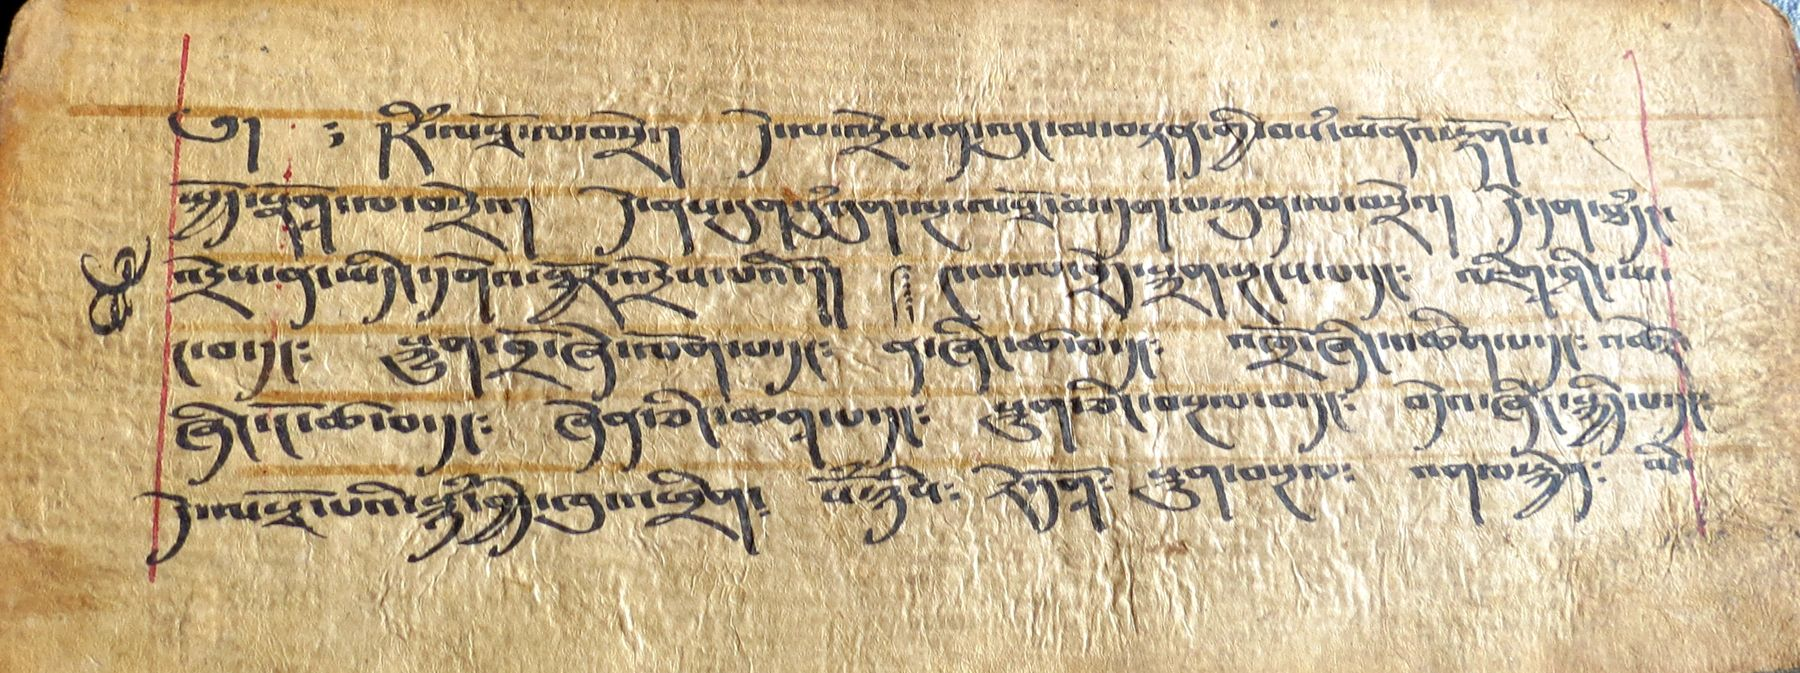ལ་སོགས་ལ་བསྲེ། དེ་ལ་འདྲེས་ནས་ལུང་མ་བསྟན་གྱི་བསམ་མནོ་རྟོག་
དཔྱོད་སྣ་ཚོགས་ལ་བསྲེ། དེ་ནས་དུག་གསུམ་དུག་ལྔ་ལ་སོགས་མ་དག་པ་ཀུན་ལ་བསྲེ། དེ་དག་ཐམས་ཅད་
འདྲེས་ན་ཡིད་དང་དགེ་སྦྱོར་འདྲེས་པའོ། བཞི་པ་ལ་བྲེད་སྐྲགས་སྔངས་པ་དང་། འཇིགས་ཤིང་ཡ་
ང་བ་དང་། སྐྱུག་བྲོ་ཞེ་ལོག་པ། ན་ཞིང་ཚ་བ་དང་། འཁྲོ་ཞིང་འཚིགས་པ་དང་། འཚེར་
ཞིང་ངོ་ཚ་བ་དང་། ཞེན་ཅིང་ཆགས་པ་དང་། སྡུག་ཅིང་བསྔལ་བ་དང་། བདེ་ཞིང་སྐྱིད་པ་དང་། 
དེ་ལ་སོགས་པའི་སྙམ་བྱེད། ཁུ་འཕྲིག སོམ་ཉི། རེ་དོགས། འགལ་རྐྱེན། མི་